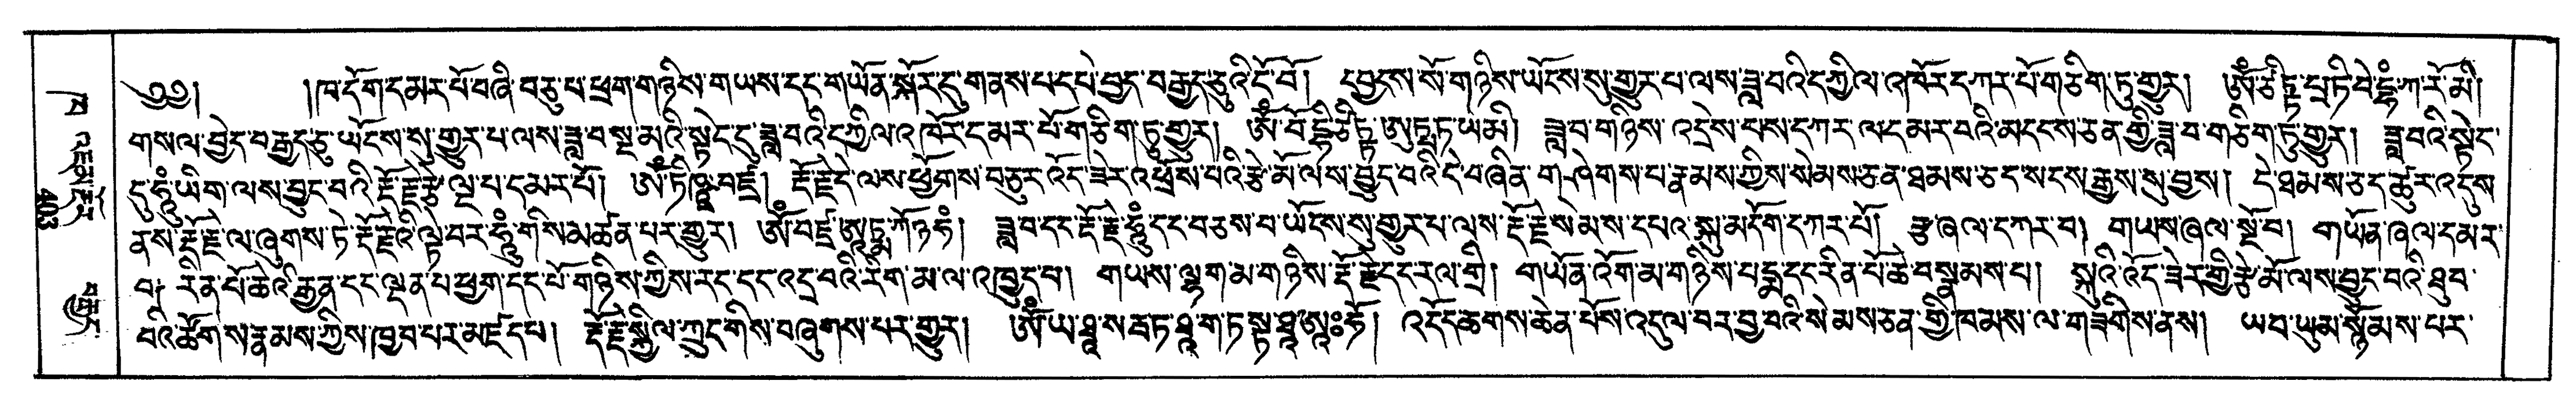༄༅། །ཁ་དོག་དམར་པོ་བཞི་བཅུ་པ་ཕྲག་གཉིས་གཡས་དང་གཡོན་སྐོར་དུ་གནས་པ་དཔེ་བྱད་བརྒྱད་ཅུའི་ངོ་བོ། དབྱངས་སོ་གཉིས་ཡོངས་སུ་གྱུར་པ་ལས་ཟླ་བའི་དཀྱིལ་འཁོར་དཀར་པོ་གཅིག་ཏུ་གྱུར། ཨོཾ་རྩིཏྟ་པྲ་ཏི་བེ་དྷཾ་ཀ་རོ་མི།
གསལ་བྱེད་བརྒྱད་ཅུ་ཡོངས་སུ་གྱུར་པ་ལས་ཟླ་བ་སྔ་མའི་སྟེང་དུ་ཟླ་བའི་དཀྱིལ་འཁོར་དམར་པོ་གཅིག་ཏུ་གྱུར། ཨོཾ་བོ་དྷི་ཙིཏྟ་ཨུཏྤ་ཏ་ཡ་མི། ཟླ་བ་གཉིས་འདྲེས་པས་དཀར་ལ་དམར་བའི་མདངས་ཅན་གྱི་ཟླ་བ་གཅིག་ཏུ་གྱུར། ཟླ་བའི་སྟེང་
དུ་ཧཱུཾ་ཡིག་ལས་བྱུང་བའི་རྡོ་རྗེ་རྩེ་ལྔ་པ་དམར་པོ། ཨོཾ་ཏིཥཊཿཨ་བཛྲ། རྡོ་རྗེ་དེ་ལས་ཕྱོགས་བཅུར་འོད་ཟེར་འཕྲོས་པའི་རྩེ་མོ་ལས་བྱུང་བའི་དེ་བཞིན་གཤེགས་པ་རྣམས་ཀྱིས་སེམས་ཅན་ཐམས་ཅད་སངས་རྒྱས་སུ་བྱས། དེ་ཐམས་ཅད་ཚུར་འདུས་
ནས་རྡོ་རྗེ་ལ་ཞུགས་ཏེ་རྡོ་རྗེའི་ལྟེ་བར་ཧཱུཾ་གིས་མཚན་པར་གྱུར། ཨོཾ་བཛྲ་ཨཱཏྨ་ཀོཉྷཾ། ཟླ་བ་དང་རྡོ་རྗེ་ཧཱུཾ་དང་བཅས་པ་ཡོངས་སུ་གྱུར་པ་ལས་རྡོ་རྗེ་སེམས་དཔའ་སྐུ་མདོག་དཀར་པོ། རྩ་ཞལ་དཀར་བ། གཡས་སྮལ་སྔོ་བ། གཡོན་ཞལ་དམར་
པ༑ རིན་པོ་ཆེའི་རྒྱན་དང་ལྡན་པ་ཕྱག་དང་པོ་གཉིས་ཀྱིས་རང་དང་འདྲ་བའི་རིག་མ་ལ་འཁྱུད་པ། གཡས་ལྷག་མ་གཉིས་རྡོ་རྗེ་དང་རལ་གྲི། གཡོན་འོག་མ་གཉིས་པདམ་དང་རིན་པོ་ཆེ་བསྣམས་པ། སྐུའི་འོད་ཟེར་གྱི་རྩེ་མོ་ལས་བྱུང་བའི་ཐུབ་
པའི་ཚོགས་རྣམས་ཀྱིས་ཁྱབ་པར་མཛད་པ། རྡོ་རྗེ་སྐྱིལ་ཀྲུང་གིས་བཞུགས་པར་གྱུར། ཨོཾ་ཡ་ཐཱ་སརྦ་ཏ་ཐཱ་ག་ཏ་སྟ་ཐཱ་ཨཱཿ ཧཾ། འདོད་ཆགས་ཆེན་པོས་འདུལ་བར་བྱ་བའི་སེམས་ཅན་གྱི་ཁམས་ལ་གཟིགས་ནས། ཡབ་ཡུམ་སྙོམས་པར་